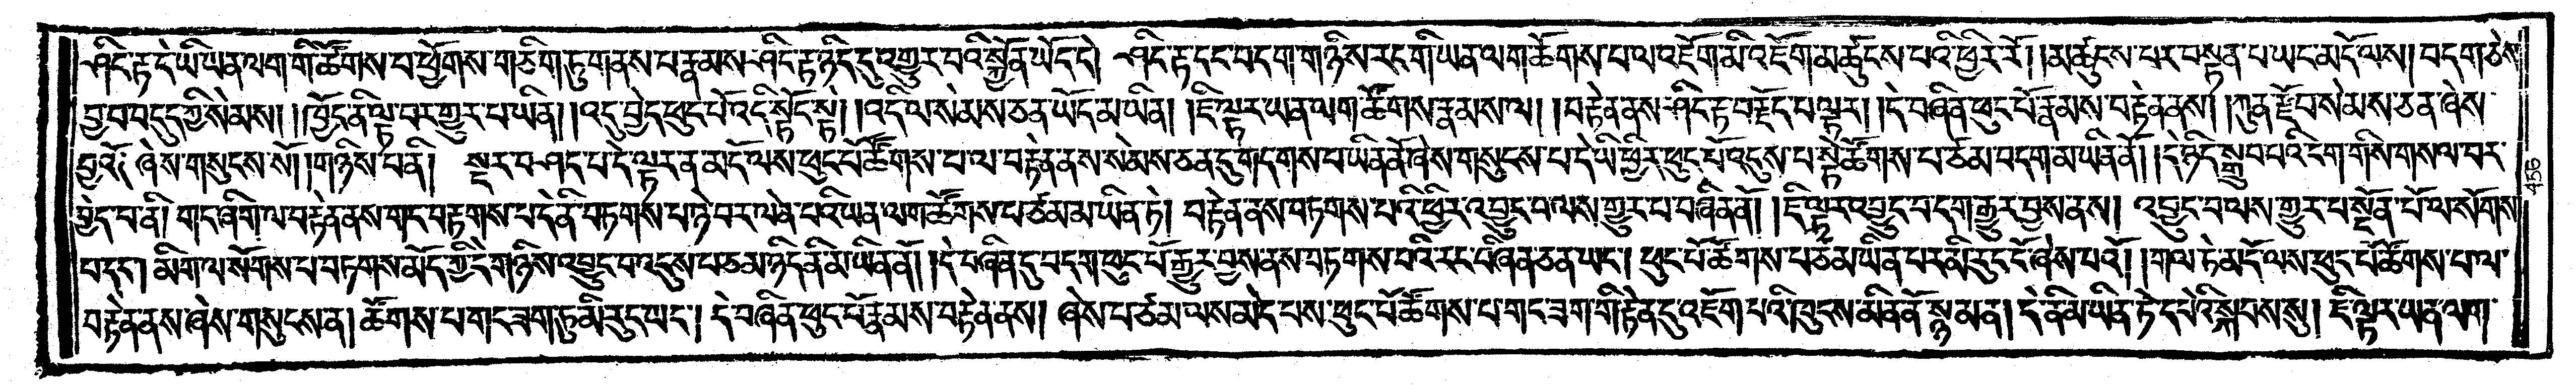ཤིང་རྟ་དེ་ཡི་ཡན་ལག་གི་ཚོགས་པ་ཕྱོགས་གཅིག་ཏུ་གནས་པ་རྣམས་ཤིང་རྟ་ཉིད་དུ་འགྱུར་བའི་སྐྱོན་ཡོད་དེ། ཤིང་རྟ་དང་བདག་གཉིས་རང་གི་ཡན་ལག་ཚོགས་པ་ལ་འཇོག་མི་འཇོག་མཚུངས་པའི་ཕྱིར་རོ། །མཚུངས་པར་བསྟན་པ་ཡང་མདོ་ལས། བདག་ཅེས་
བྱ་བ་བདུད་ཀྱི་སེམས། །ཁྱོད་ནི་ལྟ་བར་གྱུར་པ་ཡིན། །འདུ་བྱེད་ཕུང་པོ་འདི་སྟོང་སྟེ། །འདི་ལ་སེམས་ཅན་ཡོད་མ་ཡིན། །ཇི་ལྟར་ཡན་ལག་ཚོགས་རྣམས་ལ། །བརྟེན་ནས་ཤིང་རྟ་བརྗོད་པ་ལྟར། །དེ་བཞིན་ཕུང་པོ་རྣམས་བརྟེན་ནས། །ཀུན་རྫོབ་སེམས་ཅན་ཞེས་
བྱའོ༑ ཞེས་གསུངས་སོ། །གཉིས་པ་ནི། སྔར་བཤད་པ་དེ་ལྟར་ན་མདོ་ལས་ཕུང་པོ་ཚོགས་པ་ལ་བརྟེན་ནས་སེམས་ཅན་དུ་གདགས་པ་ཡིན་ནོ་ཞེས་གསུངས་པ་དེ་ཡི་ཕྱིར་ཕུང་པོ་འདུས་པ་སྟེ་ཚོགས་པ་ཙམ་བདག་མ་ཡིན་ནོ། །དེ་ཉིད་སྒྲུབ་པའི་ངག་གིས་གསལ་བར་
བྱེད་པ་ནི། གང་ཞིག་ལ་བརྟེན་ནས་གང་བརྟགས་པ་དེ་ནི་བཏགས་པ་ཉེ་བར་ལེན་པའི་ཡན་ལག་ཚོགས་པ་ཙམ་མ་ཡིན་ཏེ། བརྟེན་ནས་བཏགས་པའི་ཕྱིར་འབྱུང་བ་ལས་གྱུར་པ་བཞིན་ནོ། །ཇི་ལྟར་འབྱུང་བ་དག་རྒྱུར་བྱས་ནས། འབྱུང་བ་ལས་གྱུར་པ་སྔོན་པོ་ལ་སོགས་
པ་དང་། མིག་ལ་སོགས་པ་བཏགས་མོད་ཀྱི་དེ་གཉིས་འབྱུང་བ་འདུས་པ་ཙམ་ཉིད་ནི་མ་ཡིན་ནོ། །དེ་བཞིན་དུ་བདག་ཕུང་པོ་རྒྱུར་བས་ནས་བཏགས་པའི་རང་བཞིན་ཅན་ཡང་། ཕུང་པོ་ཚོགས་པ་ཙམ་ཡིན་པར་མི་རུང་ངོ་ཞེས་པའོ། །གལ་ཏེ་མདོ་ལས་ཕུང་པོ་ཚོགས་པ་ལ་
བརྟེན་ནས་ཞེས་གསུངས་ན། ཚོགས་པ་གང་ཟག་ཏུ་མི་རུང་ཡང་། དེ་བཞིན་ཕུང་པོ་རྣམས་བརྟེན་ནས། ཞེས་པ་ཙམ་ལས་མེད་པས་ཕུང་པོ་ཚོགས་པ་གང་ཟག་གི་རྟེན་དུ་འཇོག་པའི་ཁུངས་མིན་ནོ་སྙམ་ན། དེ་ནི་མ་ཡིན་ཏེ་དཔེའི་སྐབས་སུ། ཇི་ལྟར་ཡན་ལག་